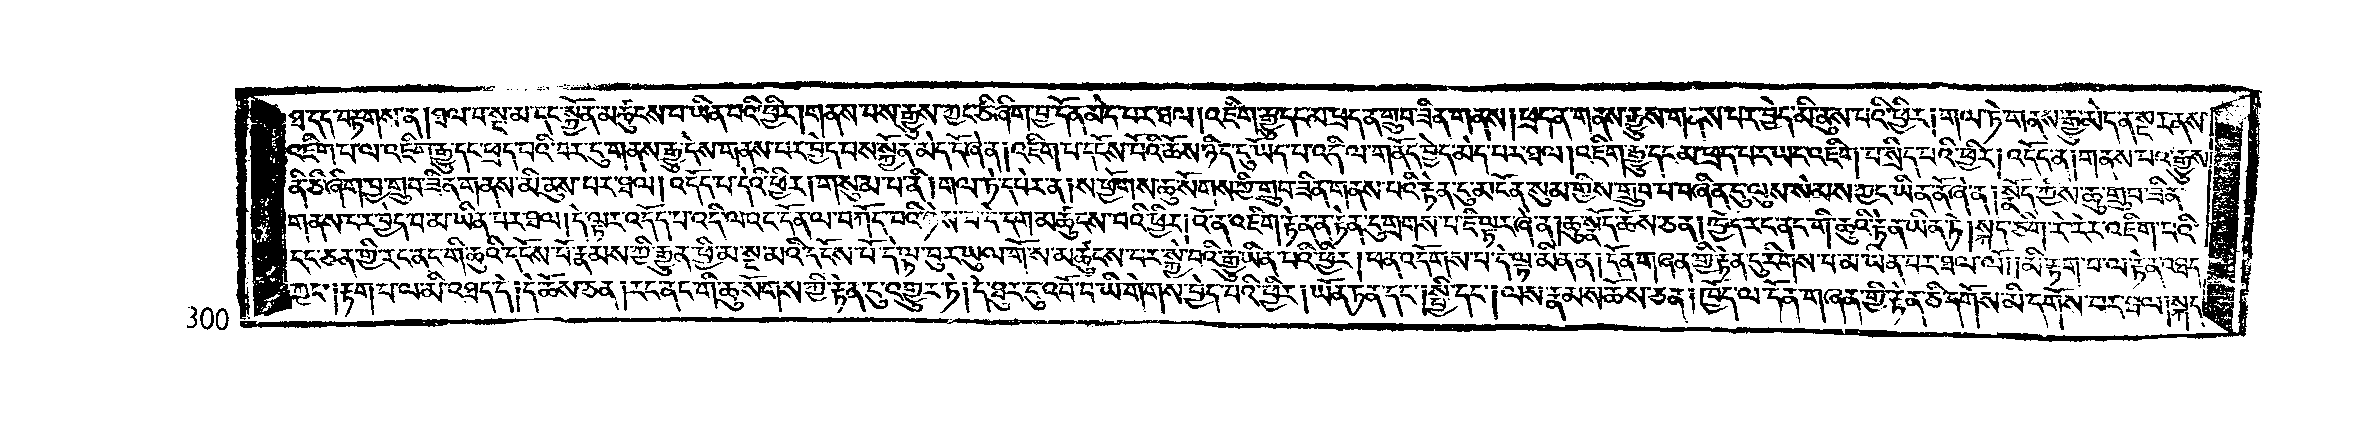ཐ་དད་བརྟགས་ན། ཐལ་བ་སྔ་མ་དང་སྐྱོན་མཚུངས་པ་ཡིན་པའི་ཕྱིར། གནས་པས་རྒྱུས་ཀྱང་ཅི་ཞིག་བྱ་དོན་མེད་པར་ཐལ། འཇིག་རྒྱུ་དང་མ་ཕྲད་ན་གྲུབ་ཟིན་གནས། ཕྲད་ན་གནས་རྒྱུས་གནས་པར་བྱེད་མི་ནུས་པའི་ཕྱིར། གལ་ཏེ་གནས་རྒྱུ་མེད་ན་སྔར་ནས་
འཇིག་པ་ལ་འཇིག་རྒྱུ་དང་ཕྲད་པའི་བར་དུ་གནས་རྒྱུ་དེས་གནས་པར་བྱེད་པས་སྐྱོན་མེད་དོ་ཞེ་ན། འཇིག་པ་དངོས་པོའི་ཆོས་ཉིད་དུ་ཡོད་པ་འདི་ལ་གནོད་བྱེད་མེད་པར་ཐལ། འཇིག་རྒྱུ་དང་མ་ཕྲད་པར་ཡང་འཇིག་པ་སྲིད་པའི་ཕྱིར། འདོད་ན། གནས་པའི་རྒྱུས་
ནི་ཅི་ཞིག་བྱ་གྲུབ་ཟིན་གནས་མི་ནུས་པར་ཐལ། འདོད་པ་དེའི་ཕྱིར། གསུམ་པ་ནི། གལ་ཏེ་དཔེར་ན། ས་ཕྱོགས་ཆུ་སོགས་ཀྱི་གྲུབ་ཟིན་གནས་པའི་རྟེན་དུ་མངོན་སུམ་གྱིས་གྲུབ་པ་བཞིན་དུ་ལུས་སེམས་ཀྱང་ཡིན་ནོ་ཞེ་ན། སྣོད་ཀྱིས་ཆུ་གྲུབ་ཟིན་
གནས་པར་བྱེད་པ་མ་ཡིན་པར་ཐལ། དེ་ལྟར་འདོད་པ་འདི་ལའང་དོན་ལ་བཀོད་པའི་ཉེས་པ་དེ་དག་མཚུངས་པའི་ཕྱིར། འོ་ན་འཇིག་རྟེན་ན་རྟེན་དུ་གྲགས་པ་ཇི་ལྟར་ཞེ་ན། ཆུ་སྣོད་ཆོས་ཅན། ཁྱོད་རང་རང་གི་ཆུའི་རྟེན་ཡིན་ཏེ། སྐད་ཅིག་རེ་རེར་འཇིག་པའི་
དང་ཅན་གྱི་རང་ནང་གི་ཆུའི་དངོས་པོ་རྣམས་ཀྱི་རྒྱུན་ཕྱི་མ་སྔ་མའི་དངོས་པོ་དེ་ལྟ་བུར་ཡུལ་གོ་ས་མཚུངས་པར་སྐྱེ་བའི་རྒྱུ་ཡིན་ཕྱིར། ཕན་འདོགས་པ་དེ་ལྟ་མིན་ན། དོན་གཞན་གྱི་རྟེན་དུ་རིགས་པ་མ་ཡིན་པར་ཐལ་ལོ། །མི་རྟག་པ་ལ་རྟེན་འཐད་
ཀྱང་། ༑རྟག་པ་ལ་མི་འཐད་དེ། དེ་ཆོས་ཅན། རང་ནང་གི་ཆུ་སོགས་ཀྱི་རྟེན་དུ་འགྱུར་ཏེ། དེ་ཐུར་དུ་འབོ་བ་ཡི་གེགས་བྱེད་པའི་ཕྱིར། ཡོན་ཏན་དང་། སྤྱི་དང་། ལས་རྣམས་ཆོས་ཅན། ཁྱོད་ལ་དོན་གཞན་གྱི་རྟེན་ཅི་དགོས་མི་དགོས་པར་ཐལ། སྐད་